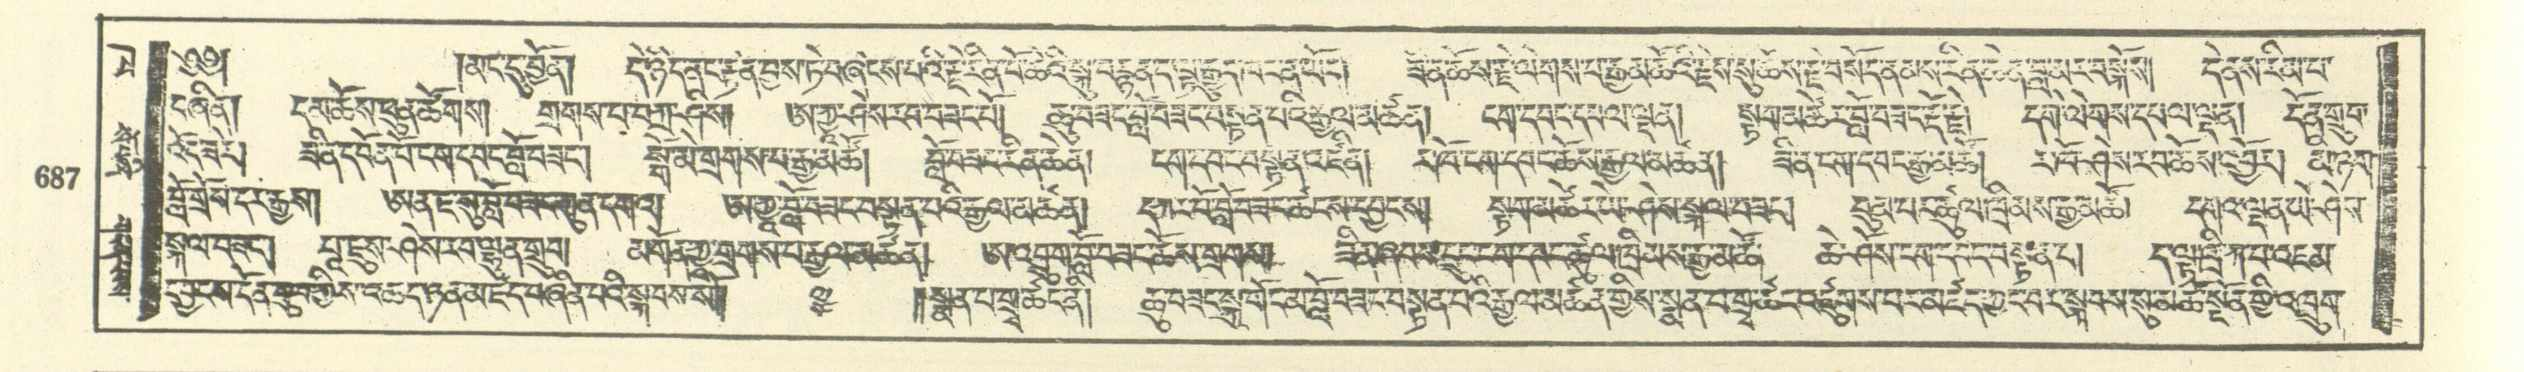༄༅། །མང་དུ་བྱོན། དེ་ཉིད་ནང་རྟེན་བྱས་ཏེ་བཞེངས་པའི་རྗེ་རིན་པོ་ཆེའི་སྐུ་བརྙན་ད་ལྟ་རྒྱུད་ཁང་ན་ཡོད། ཟིན་ཆོས་རྗེ་ལེགས་པ་རྒྱ་མཚོའི་རྗེས་སུ་ཆོས་རྗེ་བསོད་ནམས་རིན་ཆེན་བླ་མར་བསྐོས། དེ་ནས་རིམ་པ་
བཞིན། དམ་ཆོས་ཕུན་ཚོགས། གྲགས་པ་བཀྲ་ཤིས། ཨ་ཀྱཱ་ཤེས་རབ་བཟང་པོ། ཆུ་བཟང་བློ་བཟང་བསྟན་པའི་རྒྱལ་མཚན། ངག་དབང་དཔལ་ལྡན། སྟག་མཚེར་བློ་བཟང་རྡོ་རྗེ། དགེ་ལེགས་དཔལ་ལྡན། དོན་གྲུབ་
འོད་ཟེར། ཟིན་དབོན་པོ་ངག་དབང་བློ་བཟང་། སྒོ་མེ་གྲགས་པ་རྒྱ་མཚོ། བློ་བཟང་རིན་ཆེན། ངག་དབང་བསྟན་འཛིན། ར་ཁོ་ངག་དབང་ཆོས་རྒྱལ་མཚན། ཟིན་ངག་དབང་རྒྱ་མཚོ། ར་ཁོ་ཤེས་རབ་ཆོས་འབྱོར། མི་ཉག་
བློ་གྲོས་དར་རྒྱས། ཨན་ཇ་སུ་བློ་བཟང་ཀུན་དགའ། ཨ་ཀྱཱ་བློ་བཟང་བསྟན་པའི་རྒྱལ་མཚན། དཀར་པོ་བློ་བཟང་ཚངས་དབྱངས། སྟག་མཚེར་ཡེ་ཤེས་སྐལ་བཟང་། བུམ་པར་ཚུལ་ཁྲིམས་རྒྱ་མཚོ། དགའ་ལྡན་ཡེ་ཤེས་
སྐལ་བཟང་། པཱ་ཇུས་ཤེས་རབ་ལྷུན་གྲུབ། མགོན་ཀྱཱ་གྲགས་པ་རྒྱལ་མཚན། ཨ་འབྲུག་བློ་བཟང་ཆོས་གྲགས། ཟིན་ཞབས་དྲུང་ངག་དབང་ཚུལ་ཁྲིམས་རྒྱ་མཚོ། ཆེ་ཤོས་ངག་དབང་བསྟན་པ། ད་ལྟ་ཁྲི་ཀ་པ་འཇམ་
དབྱངས་དོན་གྲུབ་ཀྱིས་འཆད་ཉན་མཛད་བཞིན་པའི་སྐབས་སོ།། ༈ །།སྨན་པ་གྲྭ་ཚང་ནི། ཆུ་བཟང་སྐུ་གོང་མ་བློ་བཟང་བསྟན་པའི་རྒྱལ་མཚན་གྱིས་སྨན་པ་གྲྭ་ཚང་འཛུགས་པར་མཛད་ཀྱང་བར་སྐབས་སུ་མཚོ་སྔོན་གྱི་འཁྲུག་